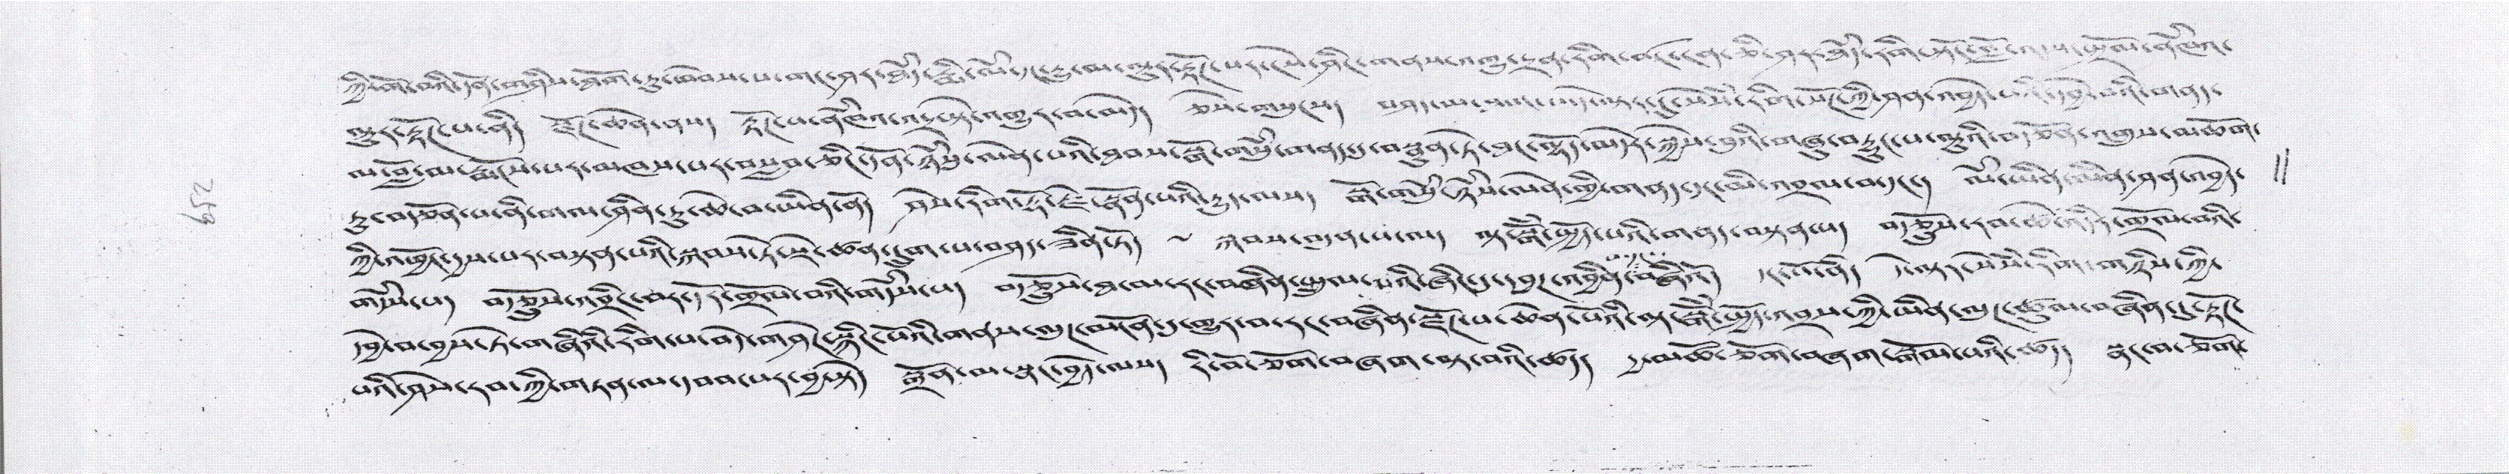ཀྱི་གོ་བའི་དོན་གཤིས་ཐོག་ཏུ་ཕེབས་པ་གང་ཤར་ཐམས་ཅད་རྨི་ལམ་དང་རྒྱུ་མ་ལྟ་བུར་རྟོགས་པར་ངེས་ཤིང་གནས་འགྱུ་དྲན་རིག་བཟང་ངན་ཅི་ཤར་ཐམས་ཅད་རིག་སྟོང་བློ་འདས་སྤྲོས་བྲལ་ནམ་མཁའ་
ལྟ་བུར་རྟོགས་པ་ནི། རྫོགས་ཆེན་ནས། རྟོགས་པ་ནམ་མཁའ་འདྲ་སྟེ་འགྱུར་བ་མེད། ཅེས་གསུངས། བཤད་མ་ཐག་པ་དེ་ལྟར་དུ་སེམས་རིག་སོགས་ཀྱི་ཤན་འབྱེད་པའི་དབྱེ་བའི་གནད་
ལ་བློ་མ་རྨོངས་པར་མཁས་པར་བསླབ་ཅིང་དོན་ཉམས་སུ་ལེན་པའི་ཐབས་སྒོ་གསུམ་གནད་དུ་བསྣུན་ཏེ་ཐང་ལྷོད་མེད་པར་སྐྱེས་བུའི་གཞུ་བརྡུང་བ་ལྟ་བུའི་བརྩོན་འགྲུས་མཆོག་
ཏུ་བརྩོན་པ་ནི་གལ་ཤིན་ཏུ་ཆེ་བ་ཡིན་ནོ། ཤེས་རིག་རྡོ་རྗེ་སྣོན་པའི་རྒྱུད་ལས། སྒོ་གསུམ་ཉམས་ལེན་གྱི་གནད་དང་མི་འབྲལ་བ་དང། ལམ་ཡིན་མིན་ཤན་འབྱེད་
ཀྱི་འཕྱོང་རྒྱས་པར་བསྟན་པའི་སྐབས་ཏེ་སྡེ་ཚན་དྲུག་པ་བཤད་ཟིན་ཏོ། ༧ སྐབས་བདུན་པ་ལ། ལྟ་སྒོམ་སྤྱོད་པའི་གནད་བསྟན་པ། བརྩོན་འགྲུས་རབ་ཚེ་འདིར་གྲོལ་བའི་
གདམས་པ། བརྩོན་འགྲུས་འབྲིང་བར་དོར་གྲོལ་བའི་གདམས་པ། བརྩོན་འགྲུས་ཐ་མ་རང་བཞིན་སྤྲུལ་པའི་ཞིང་དུ་དབུགས་འབྱིན་པ་དང་བཞིའོ། དང་པོ་ནི། དེ་ལྟར་སེམས་རིག་གཉིས་ཀྱི་
དབྱེ་བ་བྱས་ཏེ་གཞིའི་རིག་པ་བདེ་གཤེགས་སྙིང་པོའི་གནས་ལུགས་མངོན་དུ་གྱུར་བ་རང་བཞིན་རྫོགས་པ་ཆེན་པོའི་ལྟ་སྒོམ་སྤྱོད་འབྲས་ཀྱི་ཡིན་ལུགས་ཚུལ་བཞིན་དུ་རྟོགས་
པའི་ཤེས་རབ་ཀྱི་གཏན་ལ་དབབ་པར་བྱ་སྟེ། སྒྲོན་མ་སྣང་བྱེད་ལས། རི་བོ་ཅོག་བཞག་ལྟ་བའི་ཚད། རྒྱ་མཚོ་ཅོག་བཞག་སྒོམ་པའི་ཚད། སྣང་བ་ཅོག་